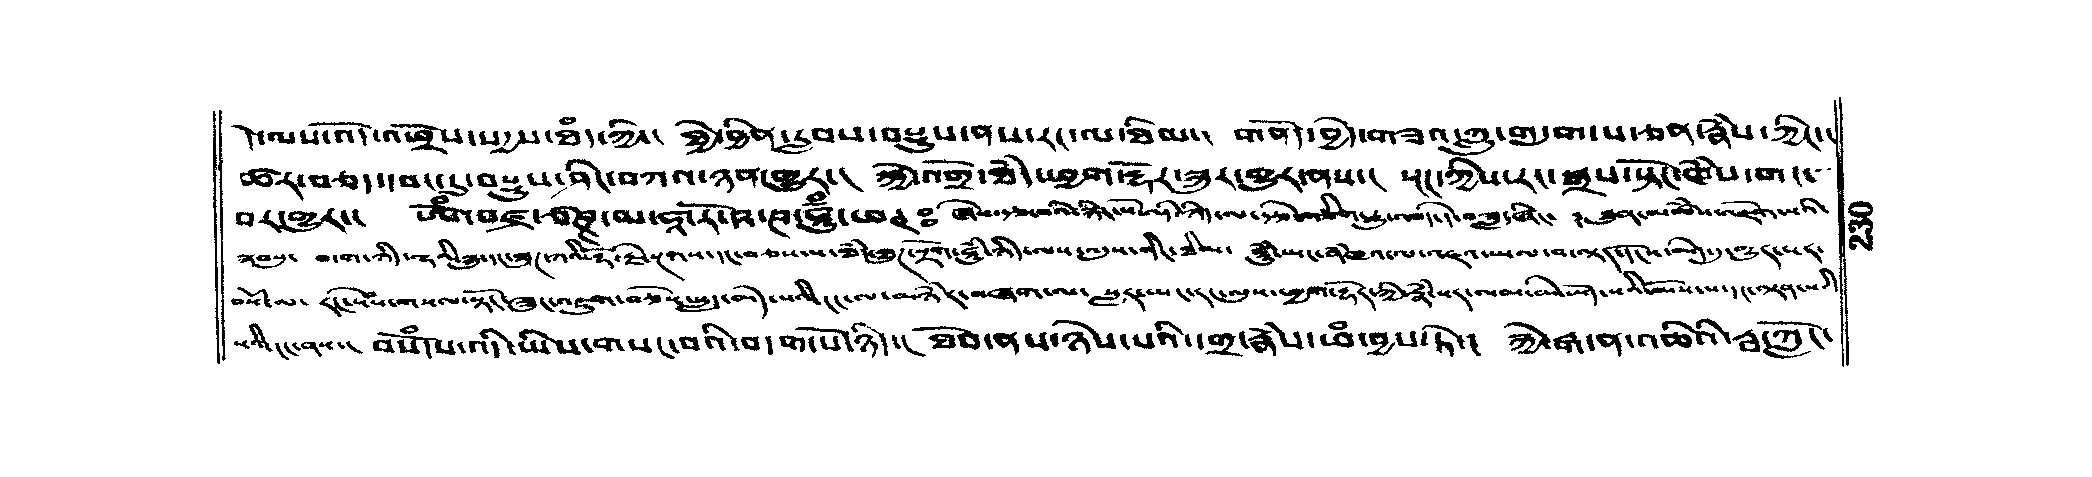དེ་ལས་འོད་འཕྲོས་སངས་རྒྱས་ཐམས་ཅད་ཀྱི། །ཐུགས་རྗེ་བྱིན་རླབས་བསྡུས་ནས་རང་ལ་ཐིམ། །གནོད་བྱེད་གཟའ་ཀླུ་གདུག་པ་ཅན་རྣམས་ཀྱིས་ཀྱང་
ཚར་བཅད་དབང་དུ་བསྡུས་ཤིང་བཀའ་ཉན་གྱུར། སྐྱེ་འགྲོ་ཐམས་ཅད་ཕྱག་རྡོར་སྐུར་གྱུར་ནས། སྔགས་ཀྱིས་རང་སྒྲས་སྟོང་ཁམས་གང་
བར་གྱུར། ཨོྃ་བཛྲ་ཙཎྜ་མ་ཧཱ་རོ་ར་ན་ཧཱུྃ་ཕཊཿ ཞེས་རྩ་བའི་སྙིང་པོ་འདི་ཉིད་ལ་རྩེ་གཅིག་ཏུ་འབད་དེ་བཟླ་ཞིང་། ༈ ཐུན་མཚམས་འཇོག་པའི་
སྐབས་སུ། བདག་ཉིད་ལྷའི་སྐུ་དང་ཐུགས་ཀའི་རྡོ་རྗེ་སྔགས་དང་བཅས་པ་ཐམས་ཅད་ཐུགས་སྲོག་ཧཱུྃ་ཉིད་ལས་འདུས་ཞིང་ཐིམ། ཧཱུྃ་ཡང་ནམ་མཁའ་ལ་འཇའ་ཡལ་བ་ལྟར་དངོས་མེད་དུ་གྱུར་པར་
བསམ་ལ། རང་སེམས་གསལ་སྟོང་ཟུང་འཇུག་བཅོས་སླད་མེད་པའི་ངང་ལ་མཉམ་པར་གཞག་ལ། སླར་ཡང་རང་ལུས་ཕྱག་རྡོར་གྱི་རྣམ་པར་ལམ་མེ་པའི་མོས་པ་དང་ལྡན་
པའི་ངང་ནས། བསོད་ནམས་འདི་ཡིས་གསང་བའི་བདག་པོ་ཉིད། །ཐོབ་ནས་ཉེས་པའི་དགྲ་རྣམས་ཕམ་བྱས་ཏེ། །སྐྱེ་རྒ་ན་འཆིའི་རྦ་ཀློང་